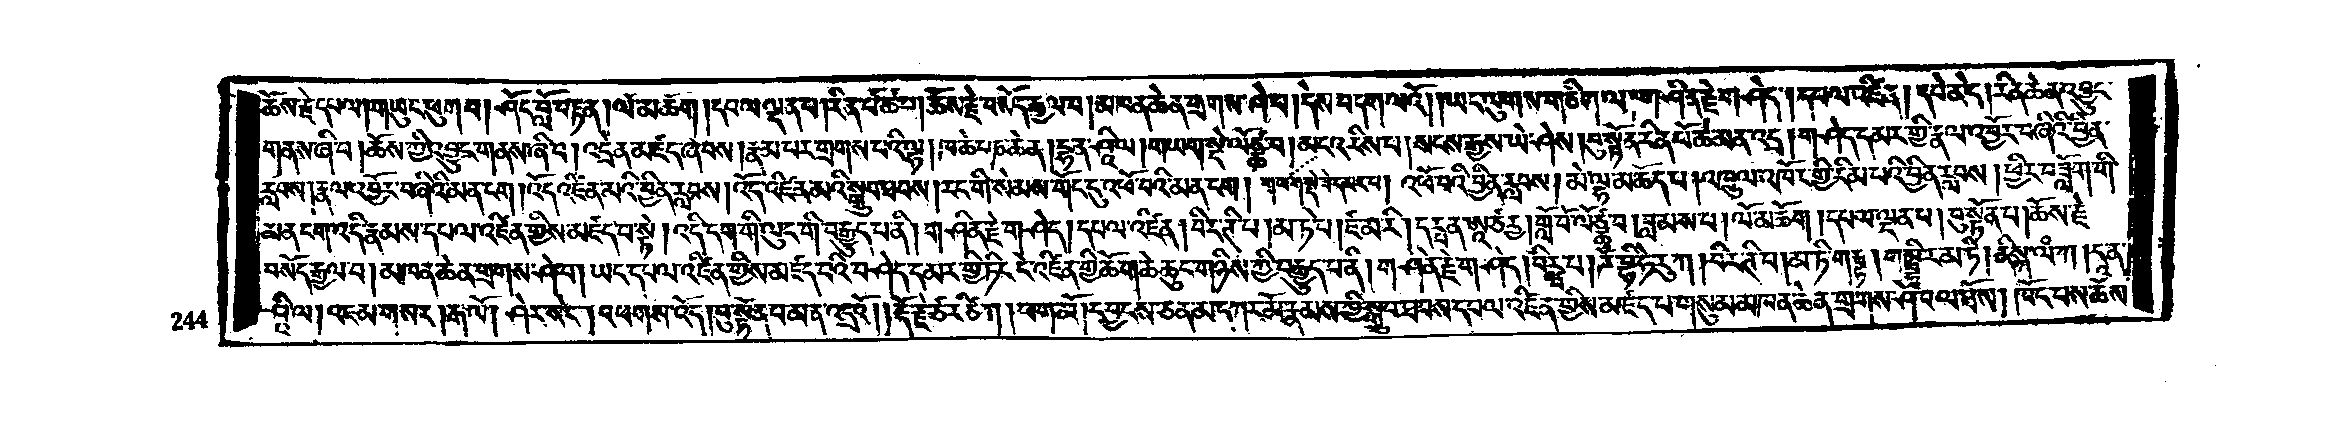ཆོས་རྗེ་དཔལ། གཡུང་ཕུག་པ། ཤོང་བློ་བརྟན། ལོ་མཆོག །དཔལ་ལྡན་པ། རིན་པོ་ཚ་པ། ཆོས་རྗེ་བསོད་རྒྱལ་པ། མཁན་ཆེན་གྲགས་ཤེ་པ། དེས་བདག་ལའོ། །ཡང་ལུགས་གཅིག་ལ། གཤིན་རྗེ་གཤེད། དཔལ་འཛིན། དཔེ་མེད། རིན་ཆེན་འབྱུང་
གནས་ཞི་བ། ཆོས་ཀྱི་འབྱུང་གནས་ཞི་བ། འདྲེན་མཛད་ཞབས། རྣམ་པར་གྲགས་པའི་ལྷ། ཁ་ཆེ་པཎ་ཆེན། དྷ་ན་ཤཱི་ལ། གཡག་སྡེ་ལོཙྪ་བ། མངའ་རིས་པ། སངས་རྒྱས་ཡེ་ཤེས། བུ་སྟོན་རིན་པོ་ཆེ་མན་འདྲ། གཤེད་དམར་གྱི་རྣལ་འབྱོར་བཞིའི་བྱིན་
རླབས། རྣལ་འབྱོར་བཞིའི་མན་ངག །འོད་འཛིན་མའི་བྱིན་རླབས། འོད་འཛིན་མའི་སྒྲུབ་ཐབས། རང་གི་སེམས་གོང་དུ་འཕོ་བའི་མན་ངག ། གཡག་སྡེ་ཟེ་དམར་པ། འཕོ་བའི་བྱིན་རླབས། མེ་ལྷ་མཆོད་པ། འཁྲུལ་འཁོར་གྱི་རིམ་པའི་བྱིན་རླབས། ཕྱིར་བཟློག་གི་
མན་ངག་འདི་རྣམས་དཔལ་འཛིན་གྱིས་མཛད་པ་སྟེ། འདི་དག་གི་ལུང་གི་བརྒྱུད་པ་ནི། གཤིན་རྗེ་གཤེད། དཔལ་འཛིན། བིར་ཊི་པ། མ་ཏེ་པ། ཛ་མ་རི། དརྤན་ཨཱ་ཙརྱ། གློ་བོ་ལོཙྪ་བ། བླ་མ་ས་པ། ལོ་མཆོག །དཔལ་ལྡན་པ། བུ་སྟོན་པ། ཆོས་རྗེ་
བསོད་རྒྱལ་བ། མཁན་ཆེན་གྲགས་ཤེ་བ། ཡང་དཔལ་འཛིན་གྱིས་མཛད་པའི་བཤེད་དམར་གྱི་ཏིང་ངེ་འཛིན་གྱི་ཆོག་ཆེ་ཆུང་གཉིས་ཀྱི་བརྒྱུད་པ་ནི། གཤིན་རྗེ་གཤེད། བིརྭ་པ། ཌོཾ་བྷི་ཧེ་རུ་ཀ། བིར་ཊི་པ། མ་ཏི་གརབྷ། གམབྷིར་མ་ཏི། ནི་སྐ་ལཾ་ཀ། དྷཱ་ན་
ཤཱི་ལ། འཇམ་གསར། རྒ་ལོ། ཤེར་སེང་། འཕགས་འོད། བུ་སྟོན་པ་མན་འདྲའོ། །རྡོ་རྗེ་ཙར་ཙིཀ། ཕག་མོ། དབྱངས་ཅན་མ་དཀར་མོ་རྣམས་ཀྱི་སྒྲུབ་ཐབས་དཔལ་འཛིན་གྱིས་མཛད་པ་གསུམ་མཁན་ཆེན་གྲགས་ཤེ་བ་ལ་ཐོས། ཁོང་པས་ཆོས་